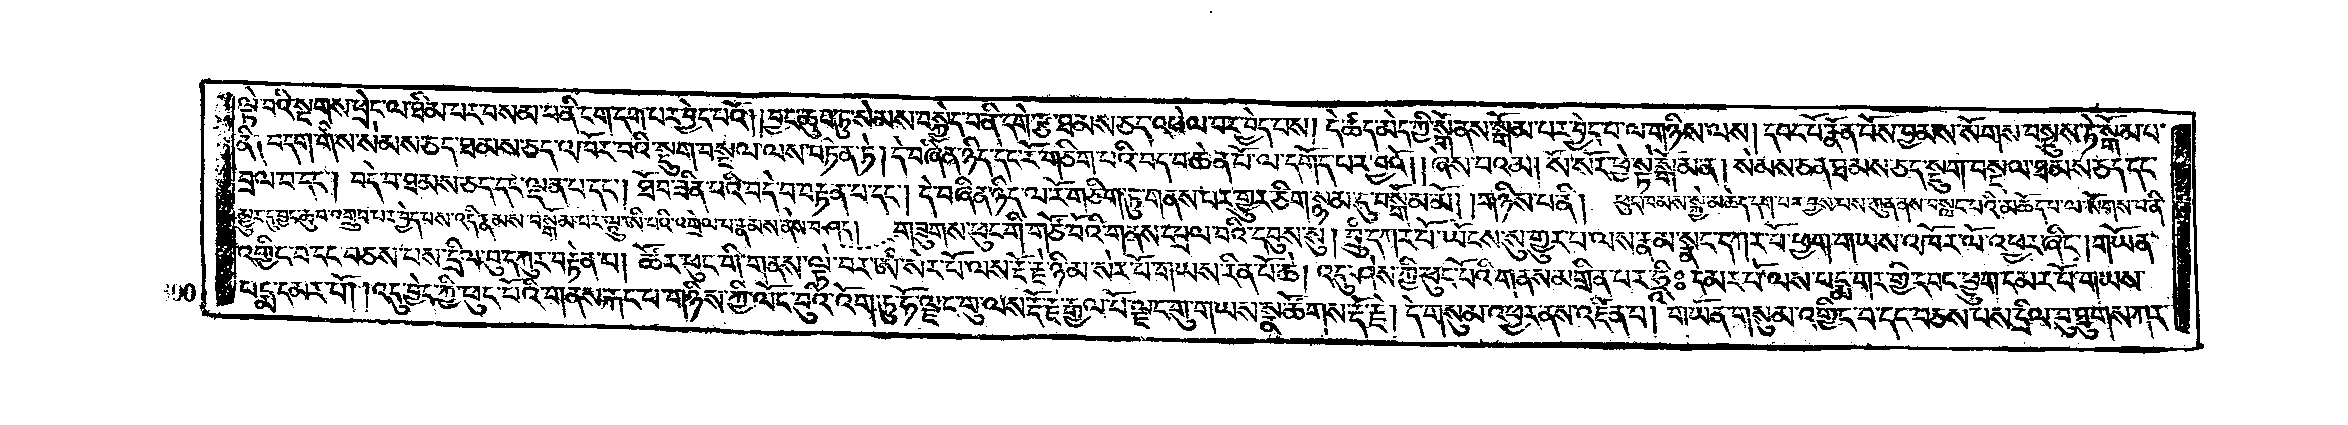ལྟེ་བའི་སྔགས་ཕྲེང་ལ་ཐིམ་པར་བསམ་པ་ནི་ངག་དག་པར་བྱེད་པའོ། །བྱང་ཆུབ་ཏུ་སེམས་བསྐྱེད་པ་ནི་དགེ་རྩ་ཐམས་ཅད་འཕེལ་བར་བྱེད་པས། དེ་ཚད་མེད་ཀྱི་སྒོ་ནས་སྒོམ་པར་བྱེད་པ་ལ་གཉིས་ལས། དབང་པོ་རྣོན་པོས་བྱམས་སོགས་བསྡུས་ཏེ་སྒོམ་པ་
ནི། བདག་གིས་སེམས་ཅད་ཐམས་ཅད་འཁོར་བའི་སྡུག་བསྔལ་ལས་བཏེན་ཏེ། དེ་བཞིན་ཉིད་དང་རོ་གཅིག་པའི་བདེ་བ་ཆེན་པོ་ལ་དགོད་པར་བྱའོ། །ཞེས་པའམ། སོ་སོར་ཕྱེ་སྟེ་སྒོམ་ན། སེམས་ཅན་ཐམས་ཅད་སྡུག་བསྔལ་ཐམས་ཅད་དང་
བྲལ་བ་དང་། བདེ་བ་ཐམས་ཅད་དང་ལྡན་པ་དང་། ཐོབ་ཟིན་པའི་བདེ་བ་བརྟན་པ་དང་། དེ་བཞིན་ཉིད་ལ་རོ་གཅིག་ཏུ་གནས་པར་གྱུར་ཅིག་སྙམ་དུ་བསྒོམ་མོ། །གཉིས་པ་ནི། ཕུང་ཁམས་སྐྱེ་མཆེད་དག་པར་བྱས་པས་ཀུན་ནས་བསླང་པའི་མཆོད་པ་ལ་སོགས་པ་ནི་
མྱུར་དུ་བྱང་ཆུབ་འགྲུབ་པར་བྱེད་པས་འདི་རྣམས་བསྒོམ་པར་ལཱུ་ཨི་པའི་འགྲེལ་པ་རྣམས་ནས་བཤད། གཟུགས་ཕུང་གི་གཙོ་བོའི་གནས་དཔྲལ་བའི་དབུས་སུ། བྲུཾ་དཀར་པོ་ཡོངས་སུ་གྱུར་པ་ལས་རྣམ་སྣང་དཀར་པོ་ཕྱག་གཡས་འཁོར་ལོ་འཕྱར་ཞིང་། གཡོན་
འགྱིད་བ་དང་བཅས་པས་དྲིལ་བུ་དཀུར་བརྟེན་པ། ཚོར་ཕུང་གི་གནས་ལྟེ་བར་ཨཾ་སེར་པོ་ལས་རྡོ་རྗེ་ཉི་མ་སེར་པོ་གཡས་རིན་པོ་ཆེ། འདུ་ཤེས་ཀྱི་ཕུང་པོའི་གནས་མགྲིན་པར་ཧྲཱིཿ དམར་པོ་ལས་པདམ་གར་གྱི་དབང་ཕྱུག་དམར་པོ་གཡས་
པདམ་དམར་པོ། །འདུ་བྱེད་ཀྱི་ཕུང་པོའི་གནས་རྐང་པ་གཉིས་ཀྱི་ལོང་བུའི་འོག་ཏུ་ཧོ་ལྗང་གུ་ལས་རྡོ་རྗེ་རྒྱལ་པོ་ལྗང་གུ་གཡས་སྣ་ཚོགས་རྡོ་རྗེ། དེ་གསུམ་འཕྱར་ནས་འཛིན་པ། གཡོན་གསུམ་འགྱིང་བ་དང་བཅས་པས་དྲིལ་བུ་ཐུགས་ཀར་